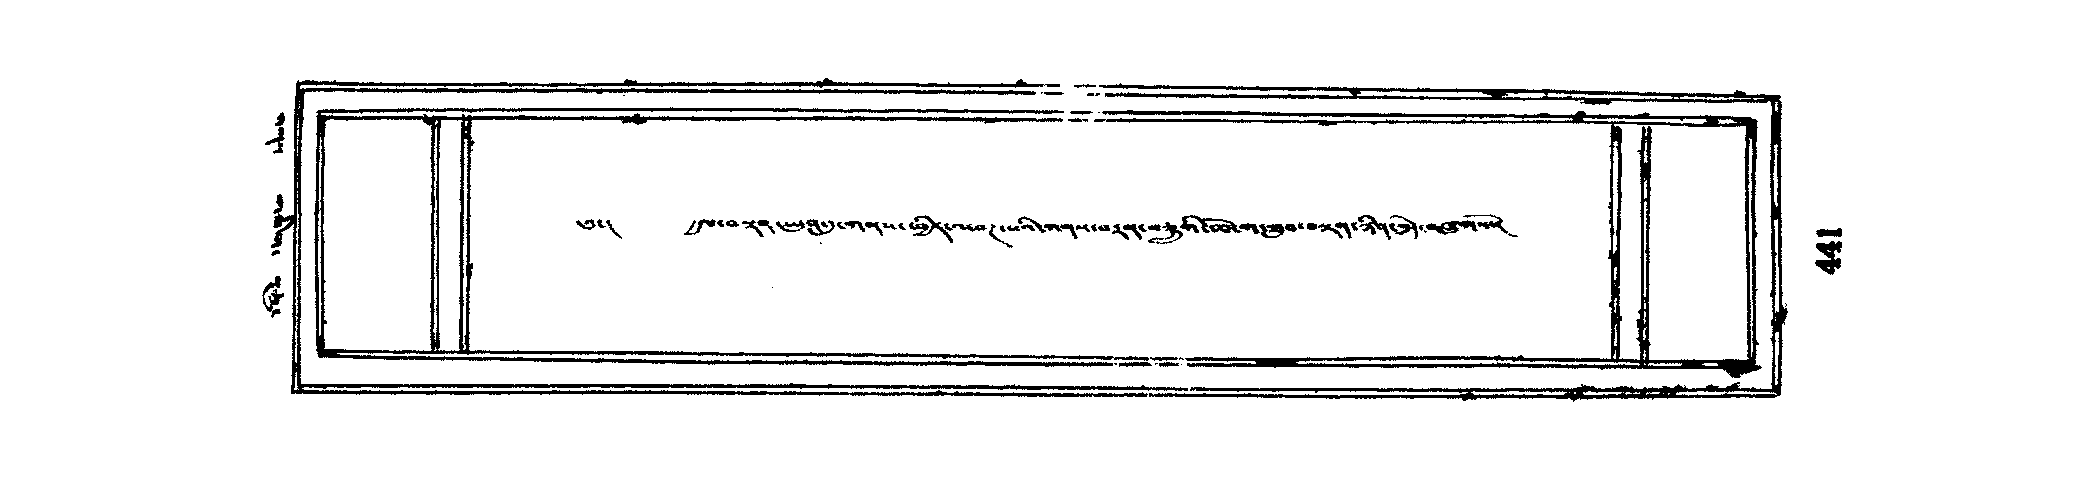༄༅། རྒྱལ་བསྟན་ཡུན་དུ་གནས་ཕྱིར་འཕགས་པའི་གནས་བརྟན་བཅུ་དྲུག་གི་ཆོ་ག་ཐུབ་བསྟན་ཉིན་བྱེད་བཞུགས་སོ།1$10002501$1000250